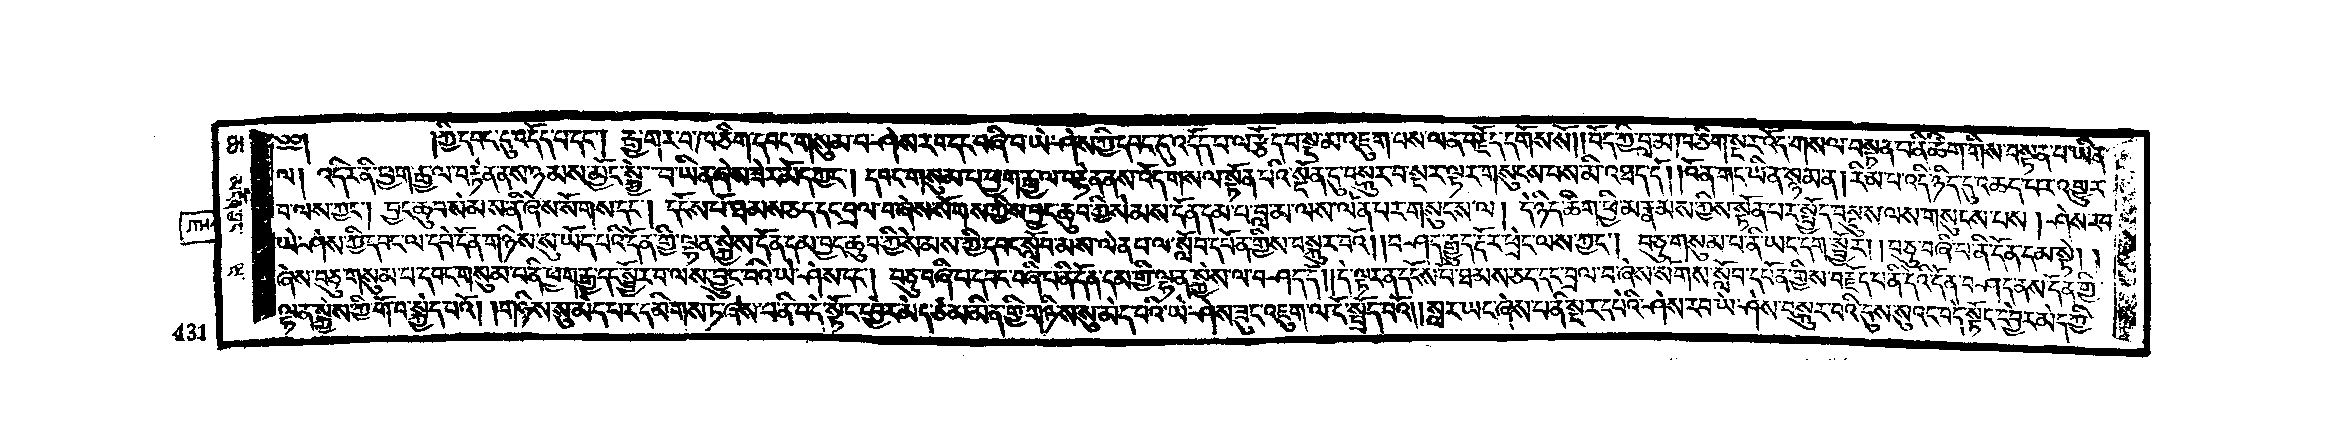༄༅། །ཀྱི་དབང་དུ་འདོད་པ་དང་། རྒྱ་གར་བ་ཁ་ཅིག་དབང་གསུམ་པ་ཤེས་རབ་དང་བཞི་པ་ཡེ་ཤེས་ཀྱི་དབང་དུ་འདོད་པ་ལ་རྩོད་པ་སྔ་མ་འཇུག་པས་ལན་བརྗོད་དགོས་སོ། །བོད་ཀྱི་བླ་མ་ཁ་ཅིག་སྔར་འོད་གསལ་བསྟན་པ་ནི་ཚིག་གིས་བསྟན་པ་ཡིན་
ལ། འདིར་ནི་ཕྱག་རྒྱ་ལ་བརྟེན་ནས་ཉམས་མྱོང་སྐྱེ་བ་ཡིན་ཞེས་ཟེར་མོད་ཀྱང་། དབང་གསུམ་པ་ཕྱག་རྒྱ་ལ་བརྟེན་ནས་འོད་གསལ་སྟོན་པའི་སྔོན་དུ་བསྐུར་བ་སྔར་ལྟར་གསུངས་པས་མི་འཐད་དོ། །འོ་ན་གང་ཡིན་སྙམ་ན། རིམ་པ་འདི་ཉིད་དུ་འཆད་པར་འགྱུར་
བ་ལས་ཀྱང་། བྱང་ཆུབ་སེམས་ནི་ཞེས་སོགས་དང་། དངོས་པོ་ཐམས་ཅད་དང་བྲལ་བ་ཞེས་སོགས་ཀྱིས་བྱང་ཆུབ་ཀྱི་སེམས་དོན་དམ་པ་བླ་མ་ལས་ལོན་པར་གསུངས་ལ། དེ་ཉིད་ཚིག་ཕྱི་མ་རྣམས་ཀྱིས་སྟོན་པར་སྤྱོད་བསྡུས་ལས་གསུངས་པས། ཤེས་རབ་
ཡེ་ཤེས་ཀྱི་དབང་ལ་དཔེ་དོན་གཉིས་སུ་ཡོད་པའི་དོན་གྱི་ལྷན་སྐྱེས་དོན་དམ་བྱང་ཆུབ་ཀྱི་སེམས་ཀྱི་དབང་སློབ་མས་ལེན་པ་ལ་སློབ་དཔོན་གྱིས་བསྐུར་བའོ། །བཤད་རྒྱུད་རྡོར་ཕྲེང་ལས་ཀྱང་། བཅུ་གསུམ་པ་ནི་ཡང་དག་སྦྱོར། །བཅུ་བཞི་པ་ནི་དོན་དམ་སྟེ། །
ཞེས་བཅུ་གསུམ་པ་དབང་གསུམ་པ་ནི་ཕྱག་རྒྱ་དང་སྦྱོར་བ་ལས་བྱུང་བའི་ཡེ་ཤེས་དང་། བཅུ་བཞི་པ་དབང་བཞི་པ་ནི་དོན་དམ་གྱི་ལྷན་སྐྱེས་ལ་བཤད་དོ། །དེ་ལྟར་ན་དངོས་པོ་ཐམས་ཅད་དང་བྲལ་བ་ཞེས་སོགས་སློབ་དཔོན་གྱིས་བརྗོད་པ་ནི་དེའི་དོན་བཤད་ནས་དོན་གྱི་
ལྷན་སྐྱེས་ཀྱི་གོ་བ་སྐྱེད་པའོ། །གཉིས་སུ་མེད་པར་དམིགས་ཏེ་ཞེས་པ་ནི་བདེ་སྟོང་དབྱེར་མེད་ཙམ་མིན་གྱི་གཉིས་སུ་མེད་པའི་ཡེ་ཤེས་ཟུང་འཇུག་ལ་ངོ་སྤྲོད་པའོ། །སླར་ཡང་ཞེས་པ་ནི་སྔར་དཔེའི་ཤེས་རབ་ཡེ་ཤེས་བསྐུར་བའི་དུས་སུའང་བདེ་སྟོང་དབྱེར་མེད་ཀྱི་